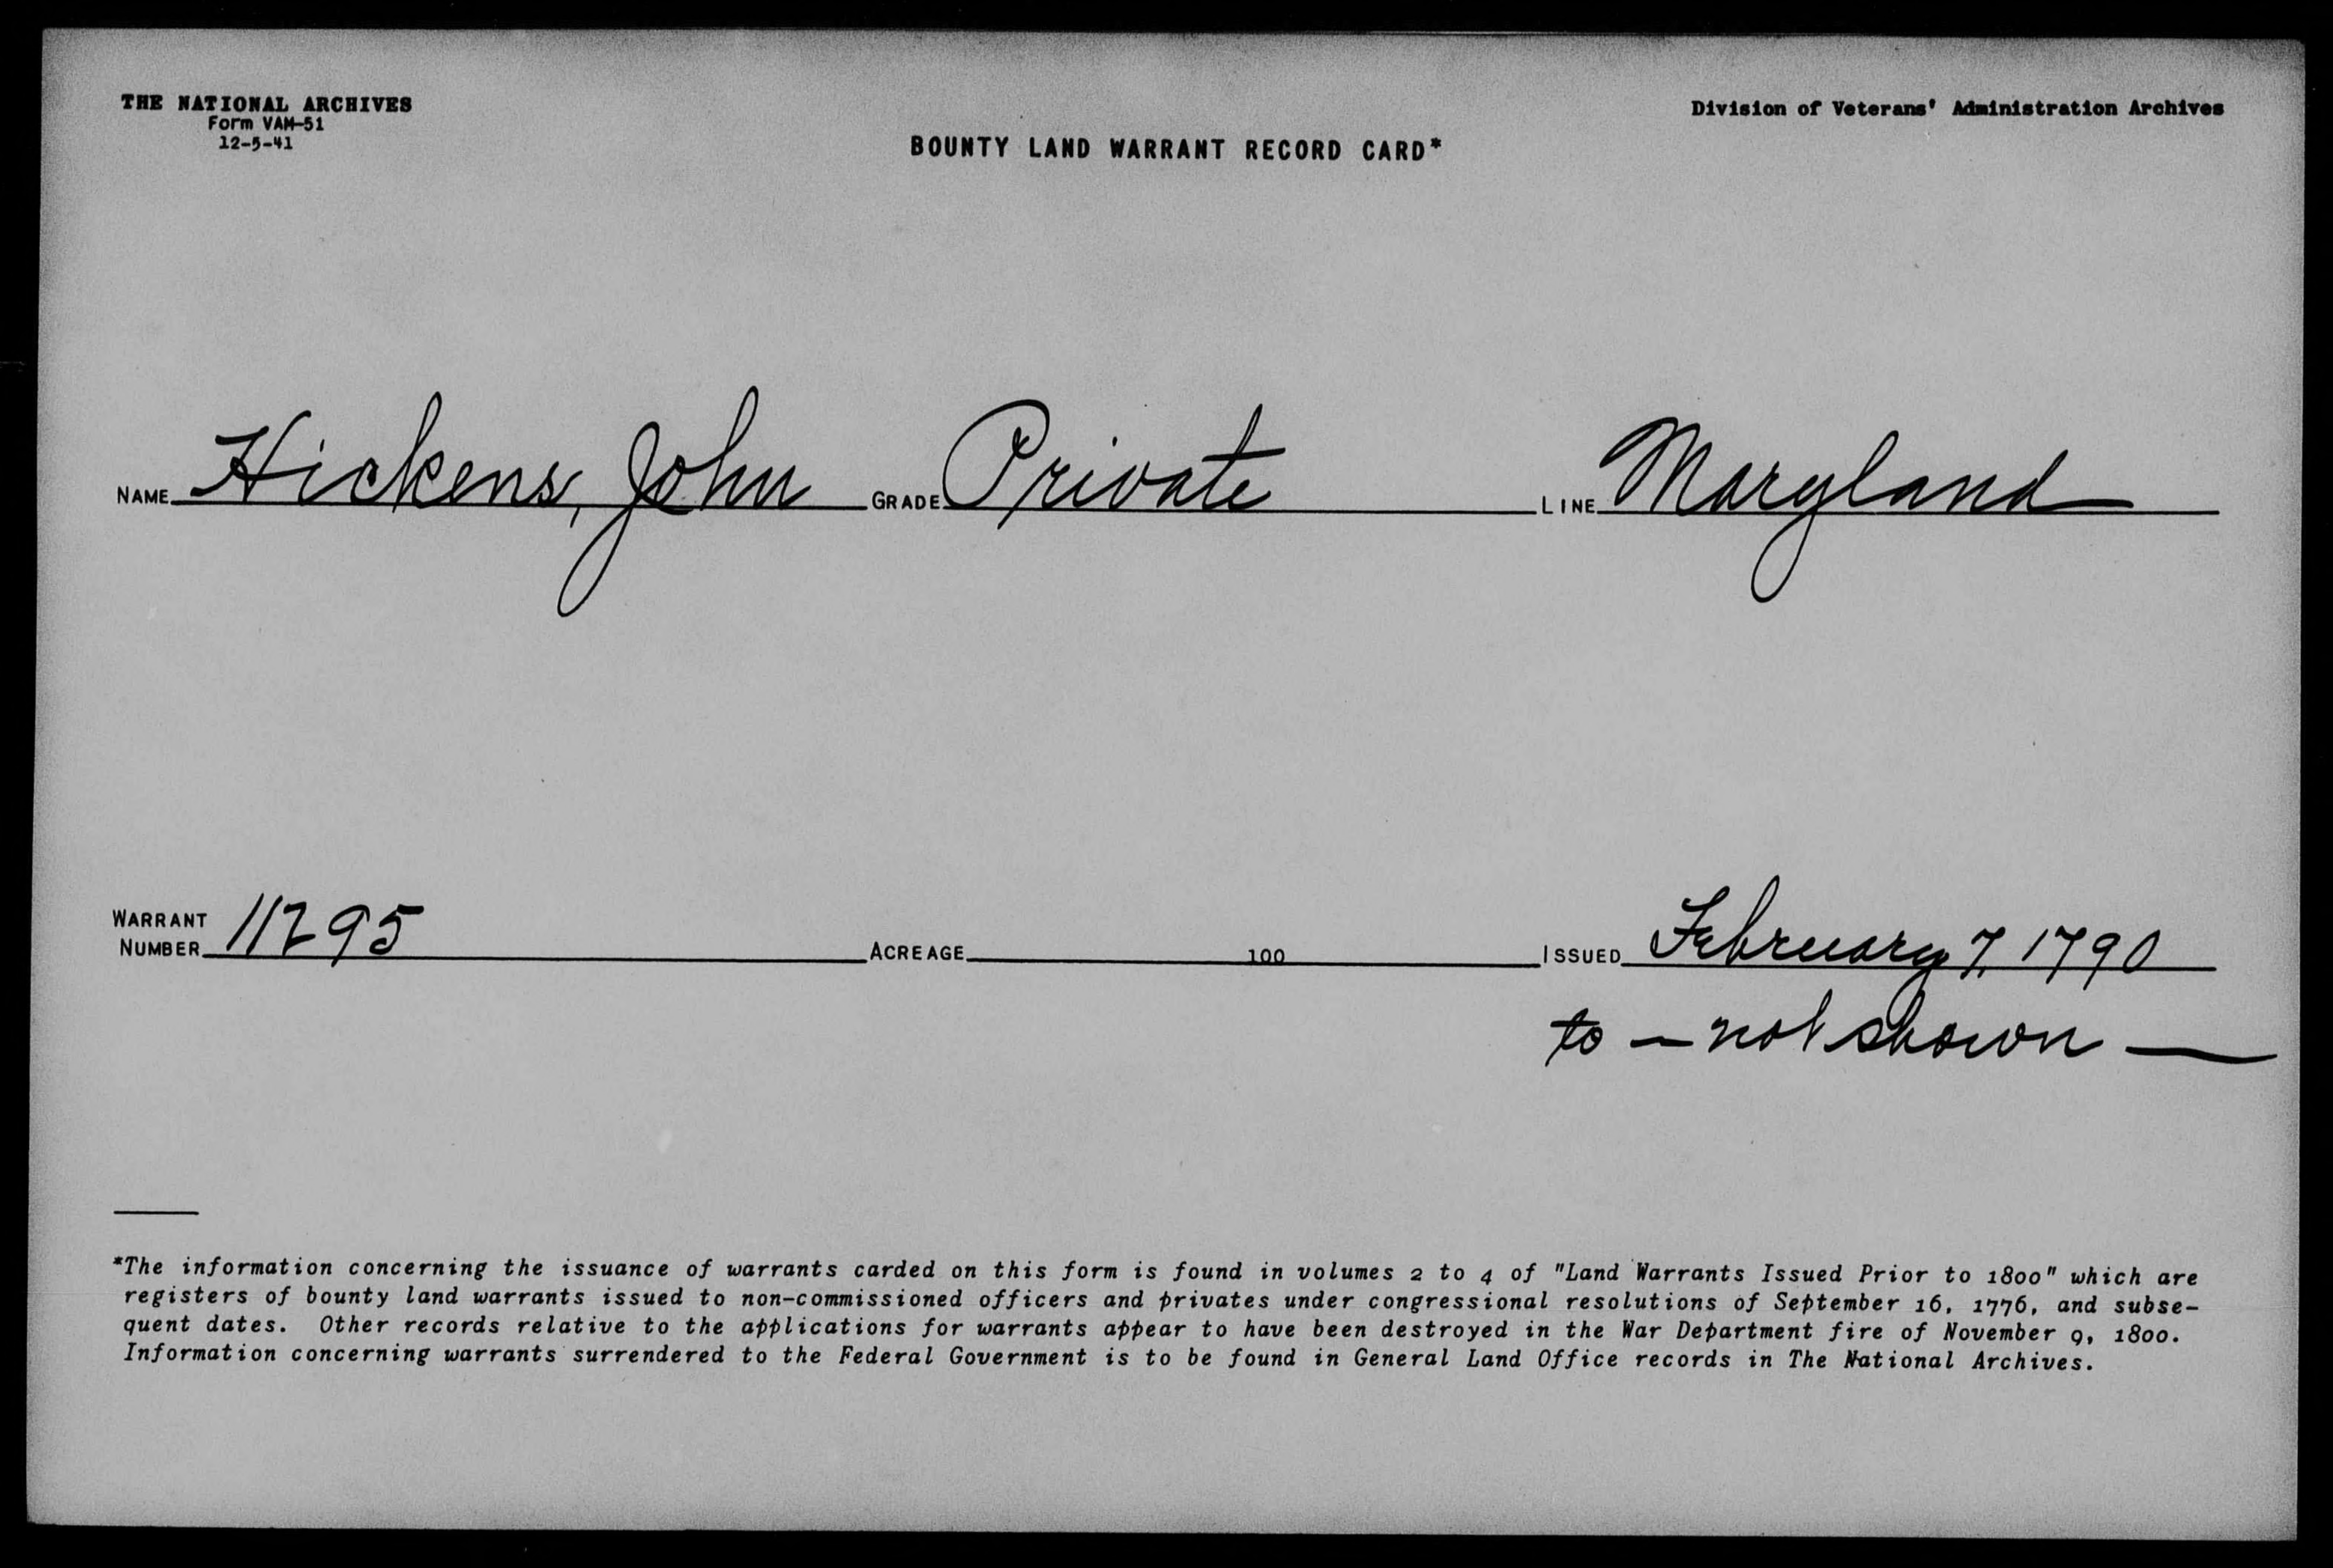[typed form, with handwritten responses]
THE NATIONAL ARCHIVES			Division of Veterans' Administration Archives
Form VAM-51
12-5-41
BOUNTY LAND WARRANT RECORD CARD*

NAME	 Hickens, John  GRADE Private  LINE Maryland

WARRANT
NUMBER 11295  ACREAGE 100  ISSUED February 7, 1790
						to -- not shown --


*The information concerning the issuance of warrants carded on this form is found in volumes 2 to 4 of "Land Warrants Issued Prior to 1800" which are 
registers of bounty land warrants issued to non-commissioned officers and privates under congressional resolutions of September 16, 1776, and subse-
quent [subsequent] dates. Other records relative to the applications for warrants appear to have been destroyed in the War Department fire of November 9, 1800. 
Information concerning warrants surrendered to the Federal Government is to be found in General Land Office records in The National Archives.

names: John Hickens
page: 2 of 2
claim: widow's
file: W. 7743, Samuel Hickel, Va